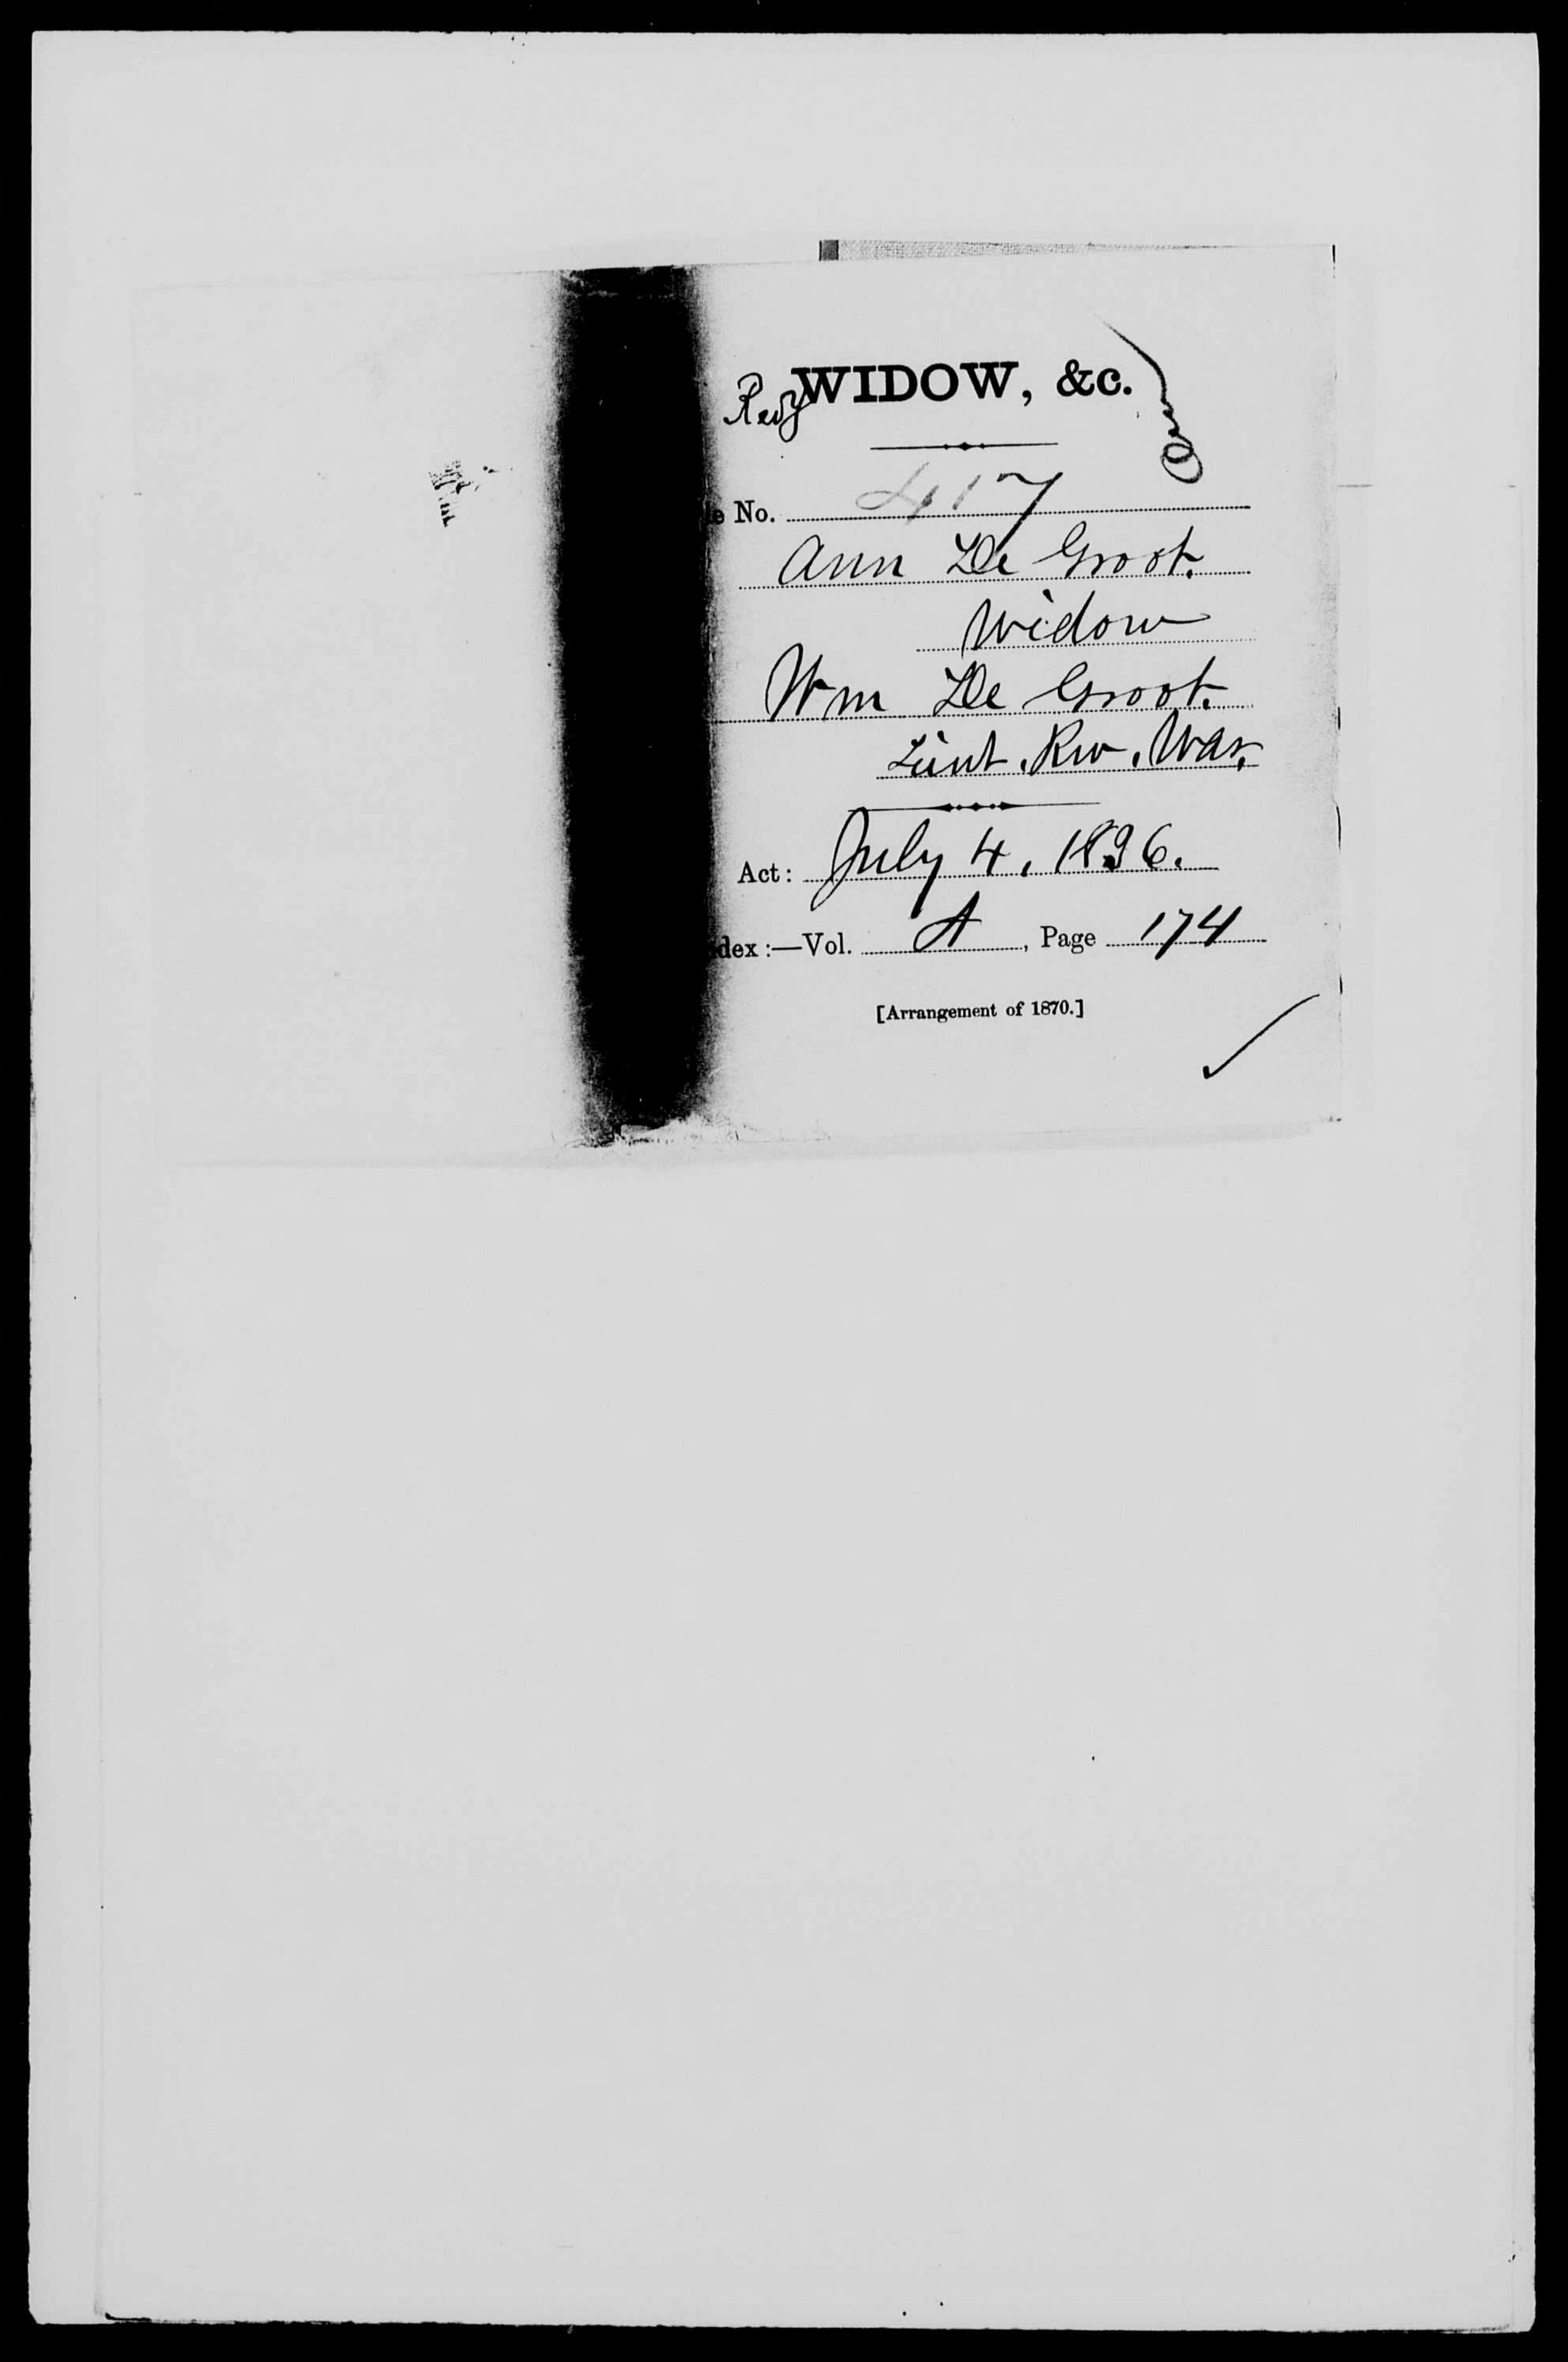Revy WIDOW, &c.
No. 417
Ann De Groot.  widow
Wm De Groot Lieut Rev. War.
Act: July 4, 1896
dex: - Vol. A, Page 174
  [Arrangement f 1870.}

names: Ann De Groot, Wm De Groot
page: 23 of 77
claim: widow's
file: W. 417, William De Groot, New Jersey